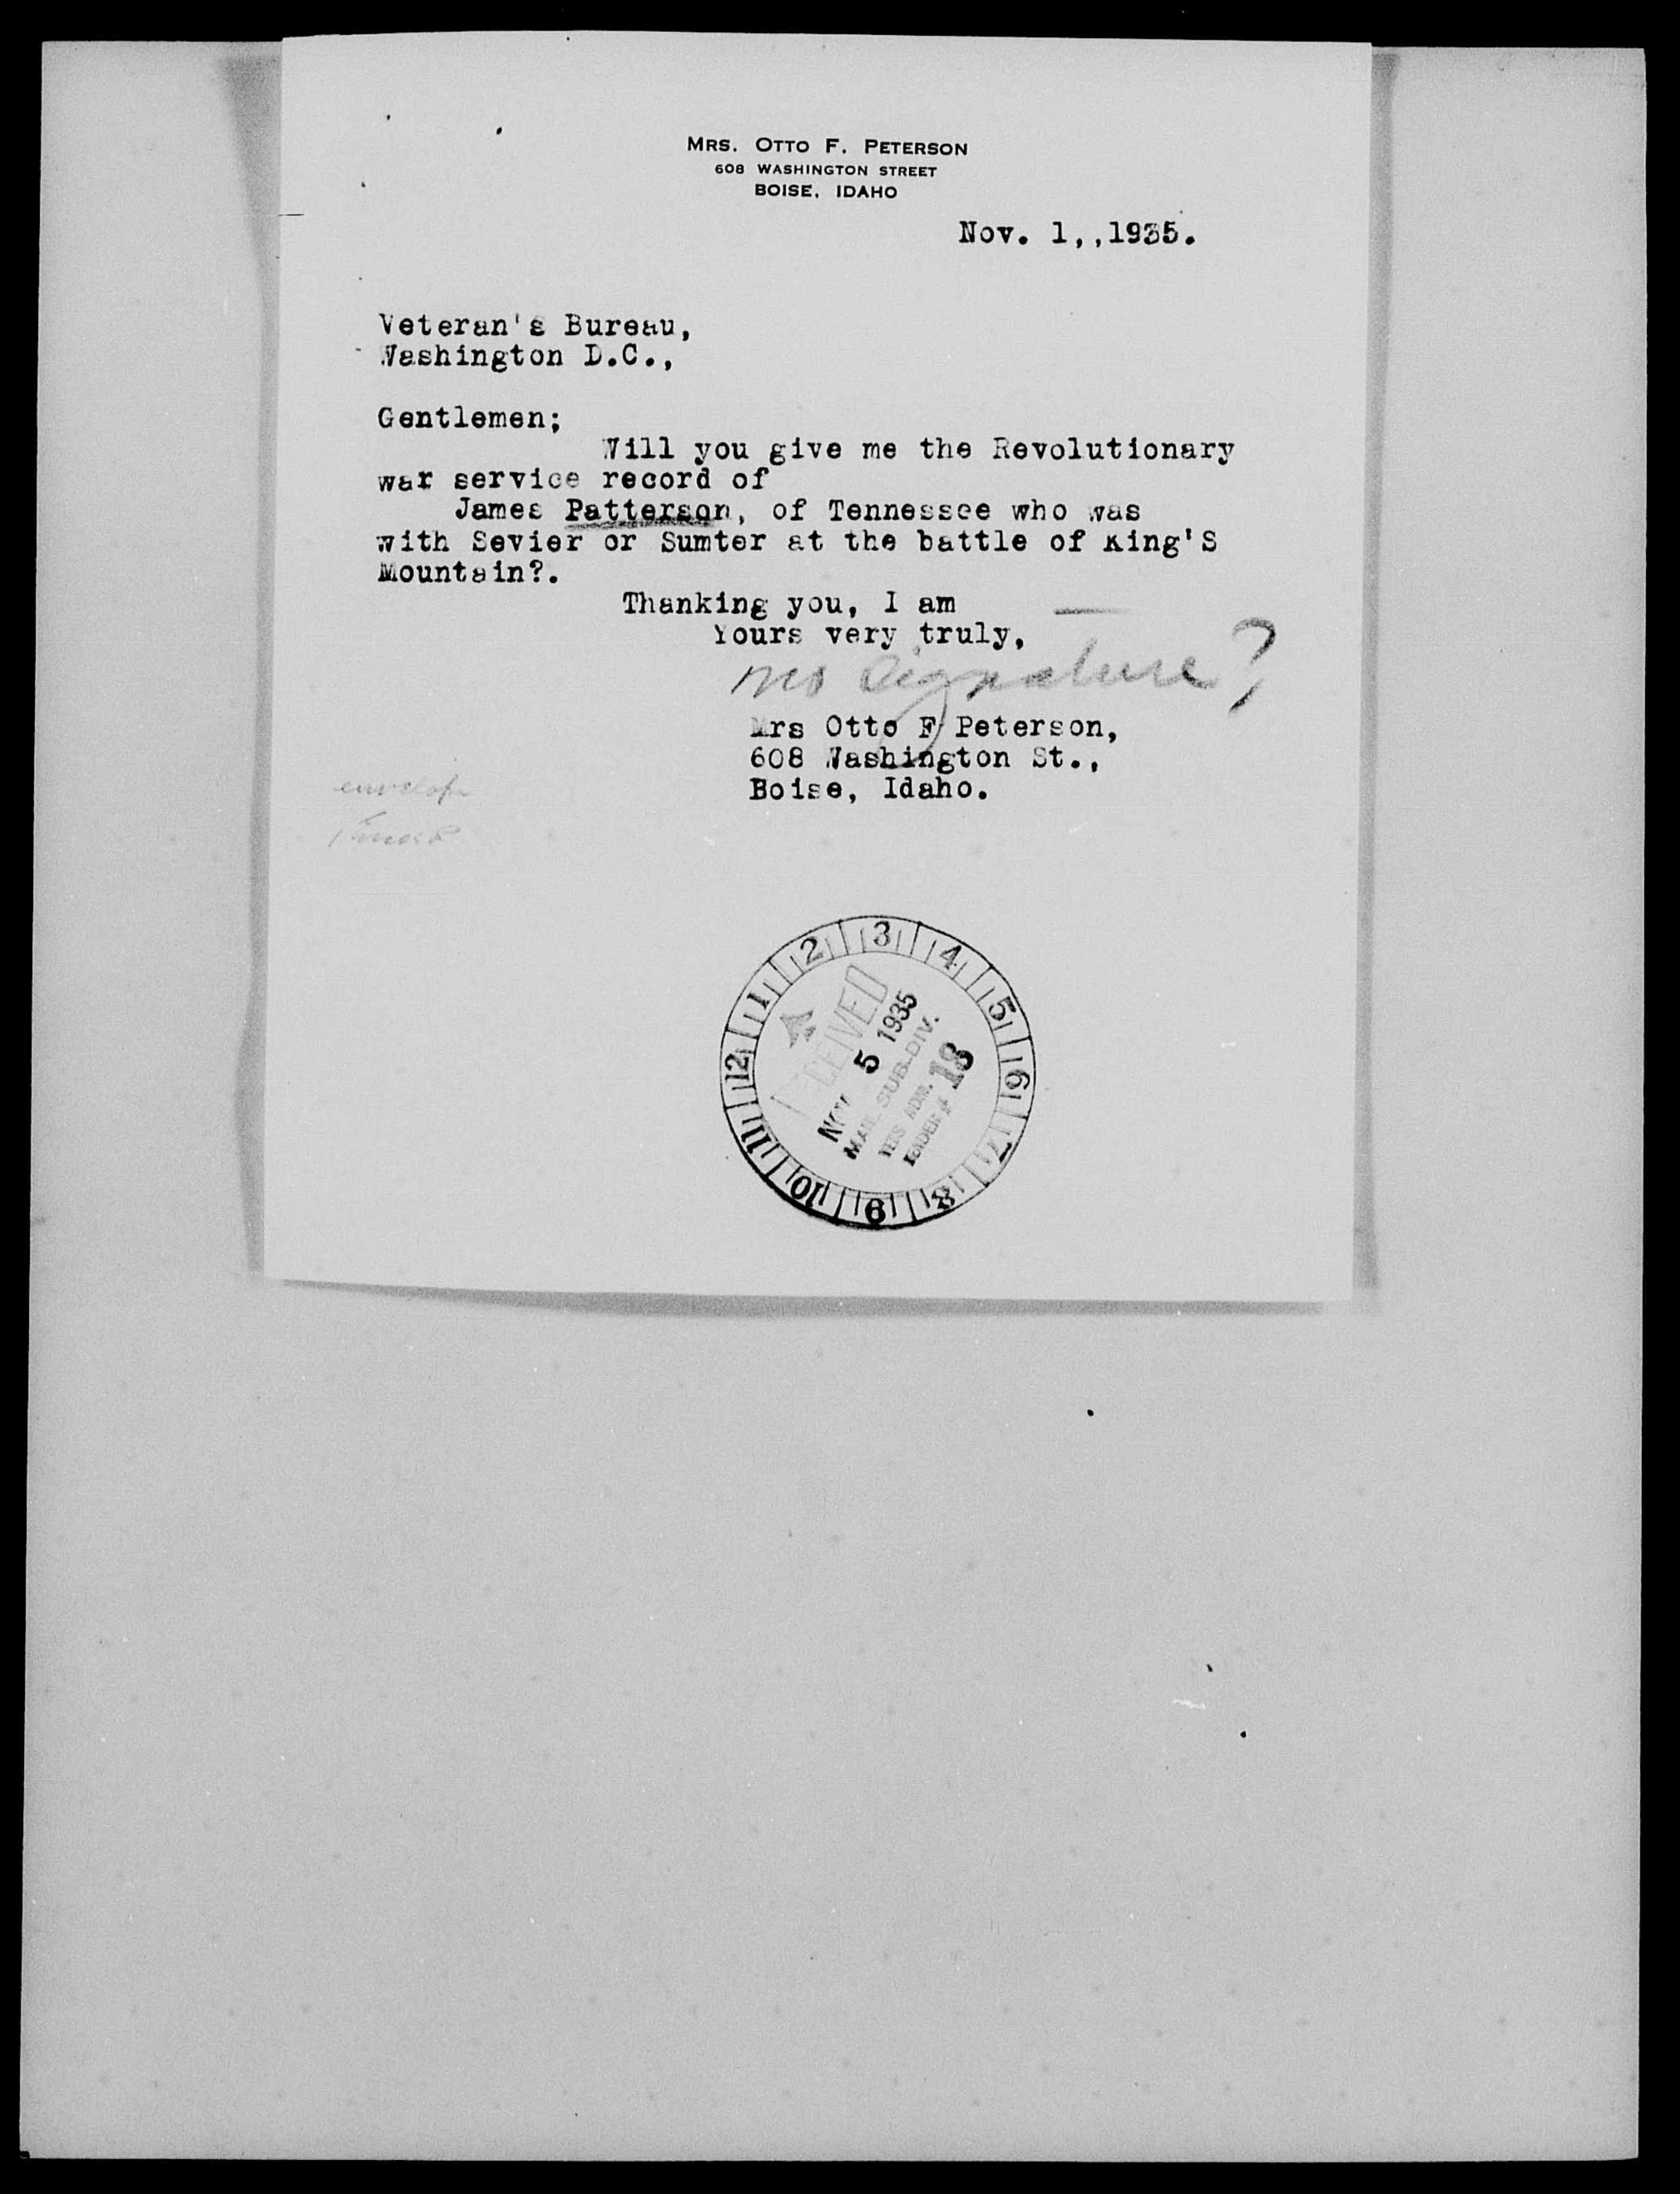MRS. OTTO F. PETERSON 
608 WASHINGTON STREET
BOISE, IDAHO
Nov. 1, 1935

Veteran's Bureau,
Washington D.C.,

Gentlemen:
Will you give me the Revolutionary war service record of James Patterson, of Tennessee who was with Sevier or Sumter at the battle of King's Mountain. 
Thanking you, I am 
Yours very truly,
no signature?
Mrs Otto F Peterson,
608 Washington St.,
Boise, Idaho.

[illegible scribbles on left]

[Postal Seal Nov 5, 1935
Max Sub-Div
Vets Adm
Header 18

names: Otto F Peterson; James Patterson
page: 67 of 69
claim: widow's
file: W. 10861, for James Patterson, North Carolina